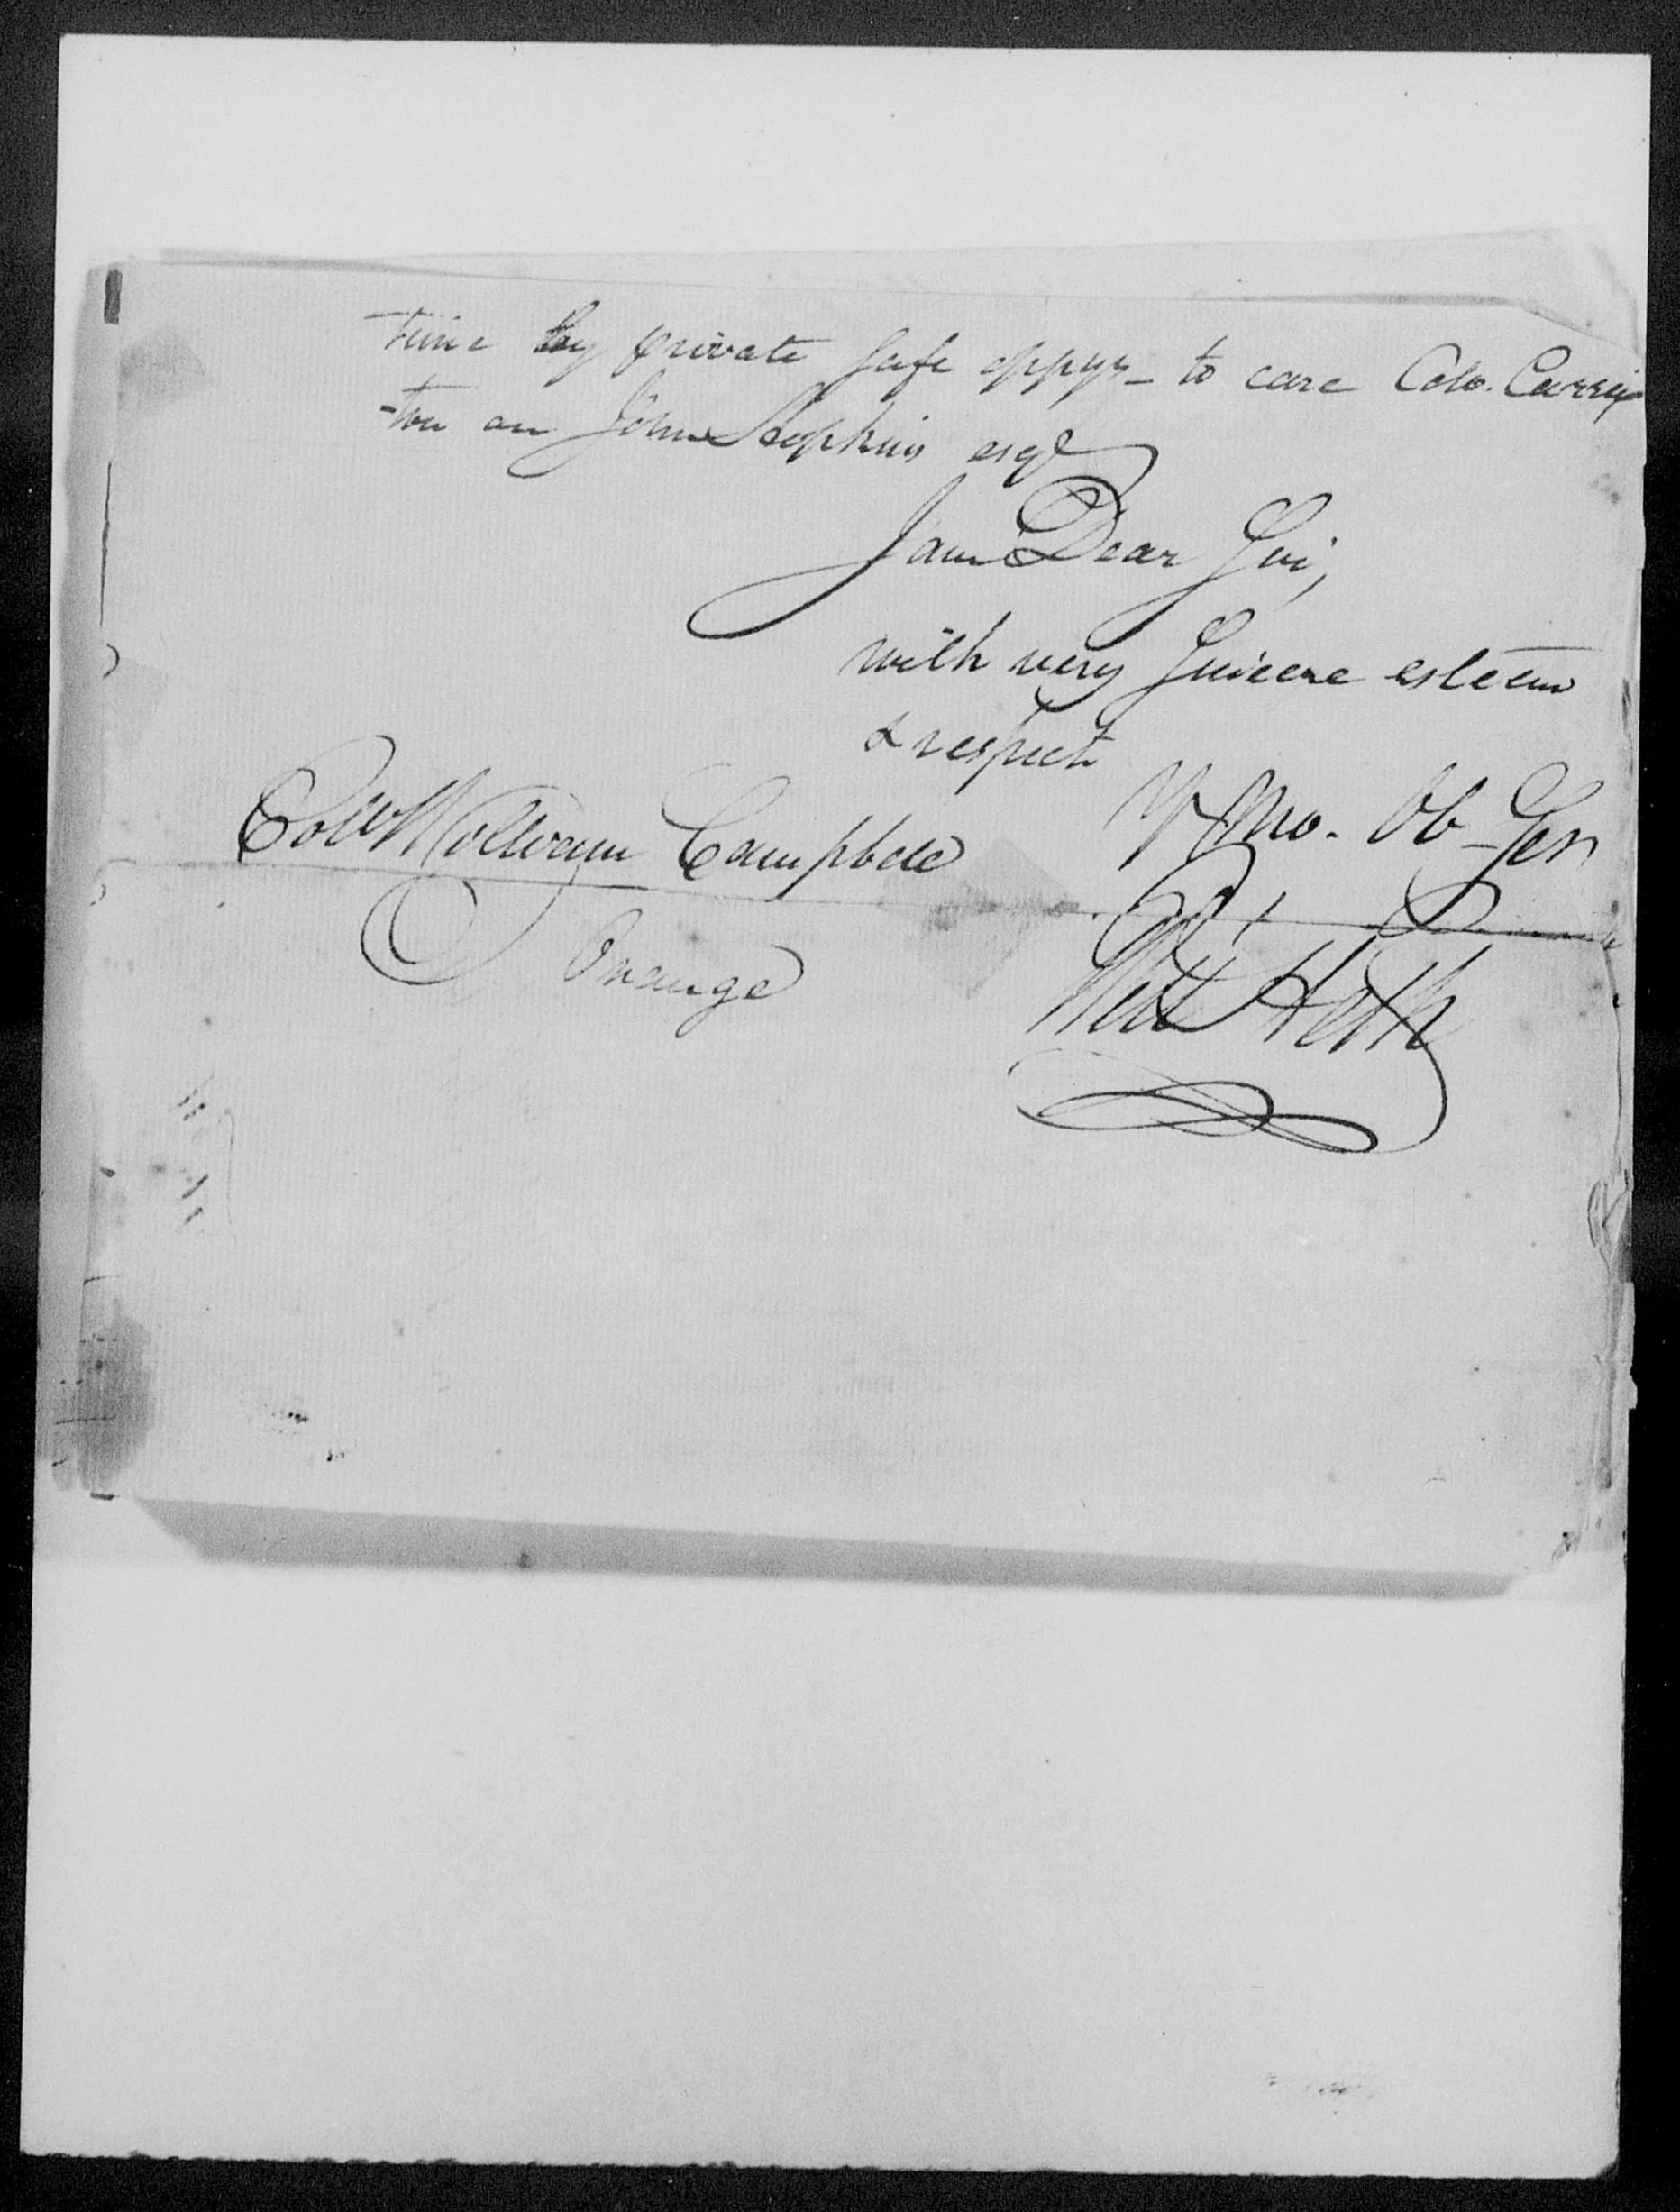time by private safe applys __ to care Colo. Carryton an John Hopkins esqr
I am Dear Sir; with very Sincere esteem +[and] respect
Yr Mo. Ob __Serv
Mett Heth

Colo William Campbell
Orange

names: Mett Heth, Curry, William Campbell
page: 245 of 267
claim: widow's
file: W. 4,149, William Campbell, Va.